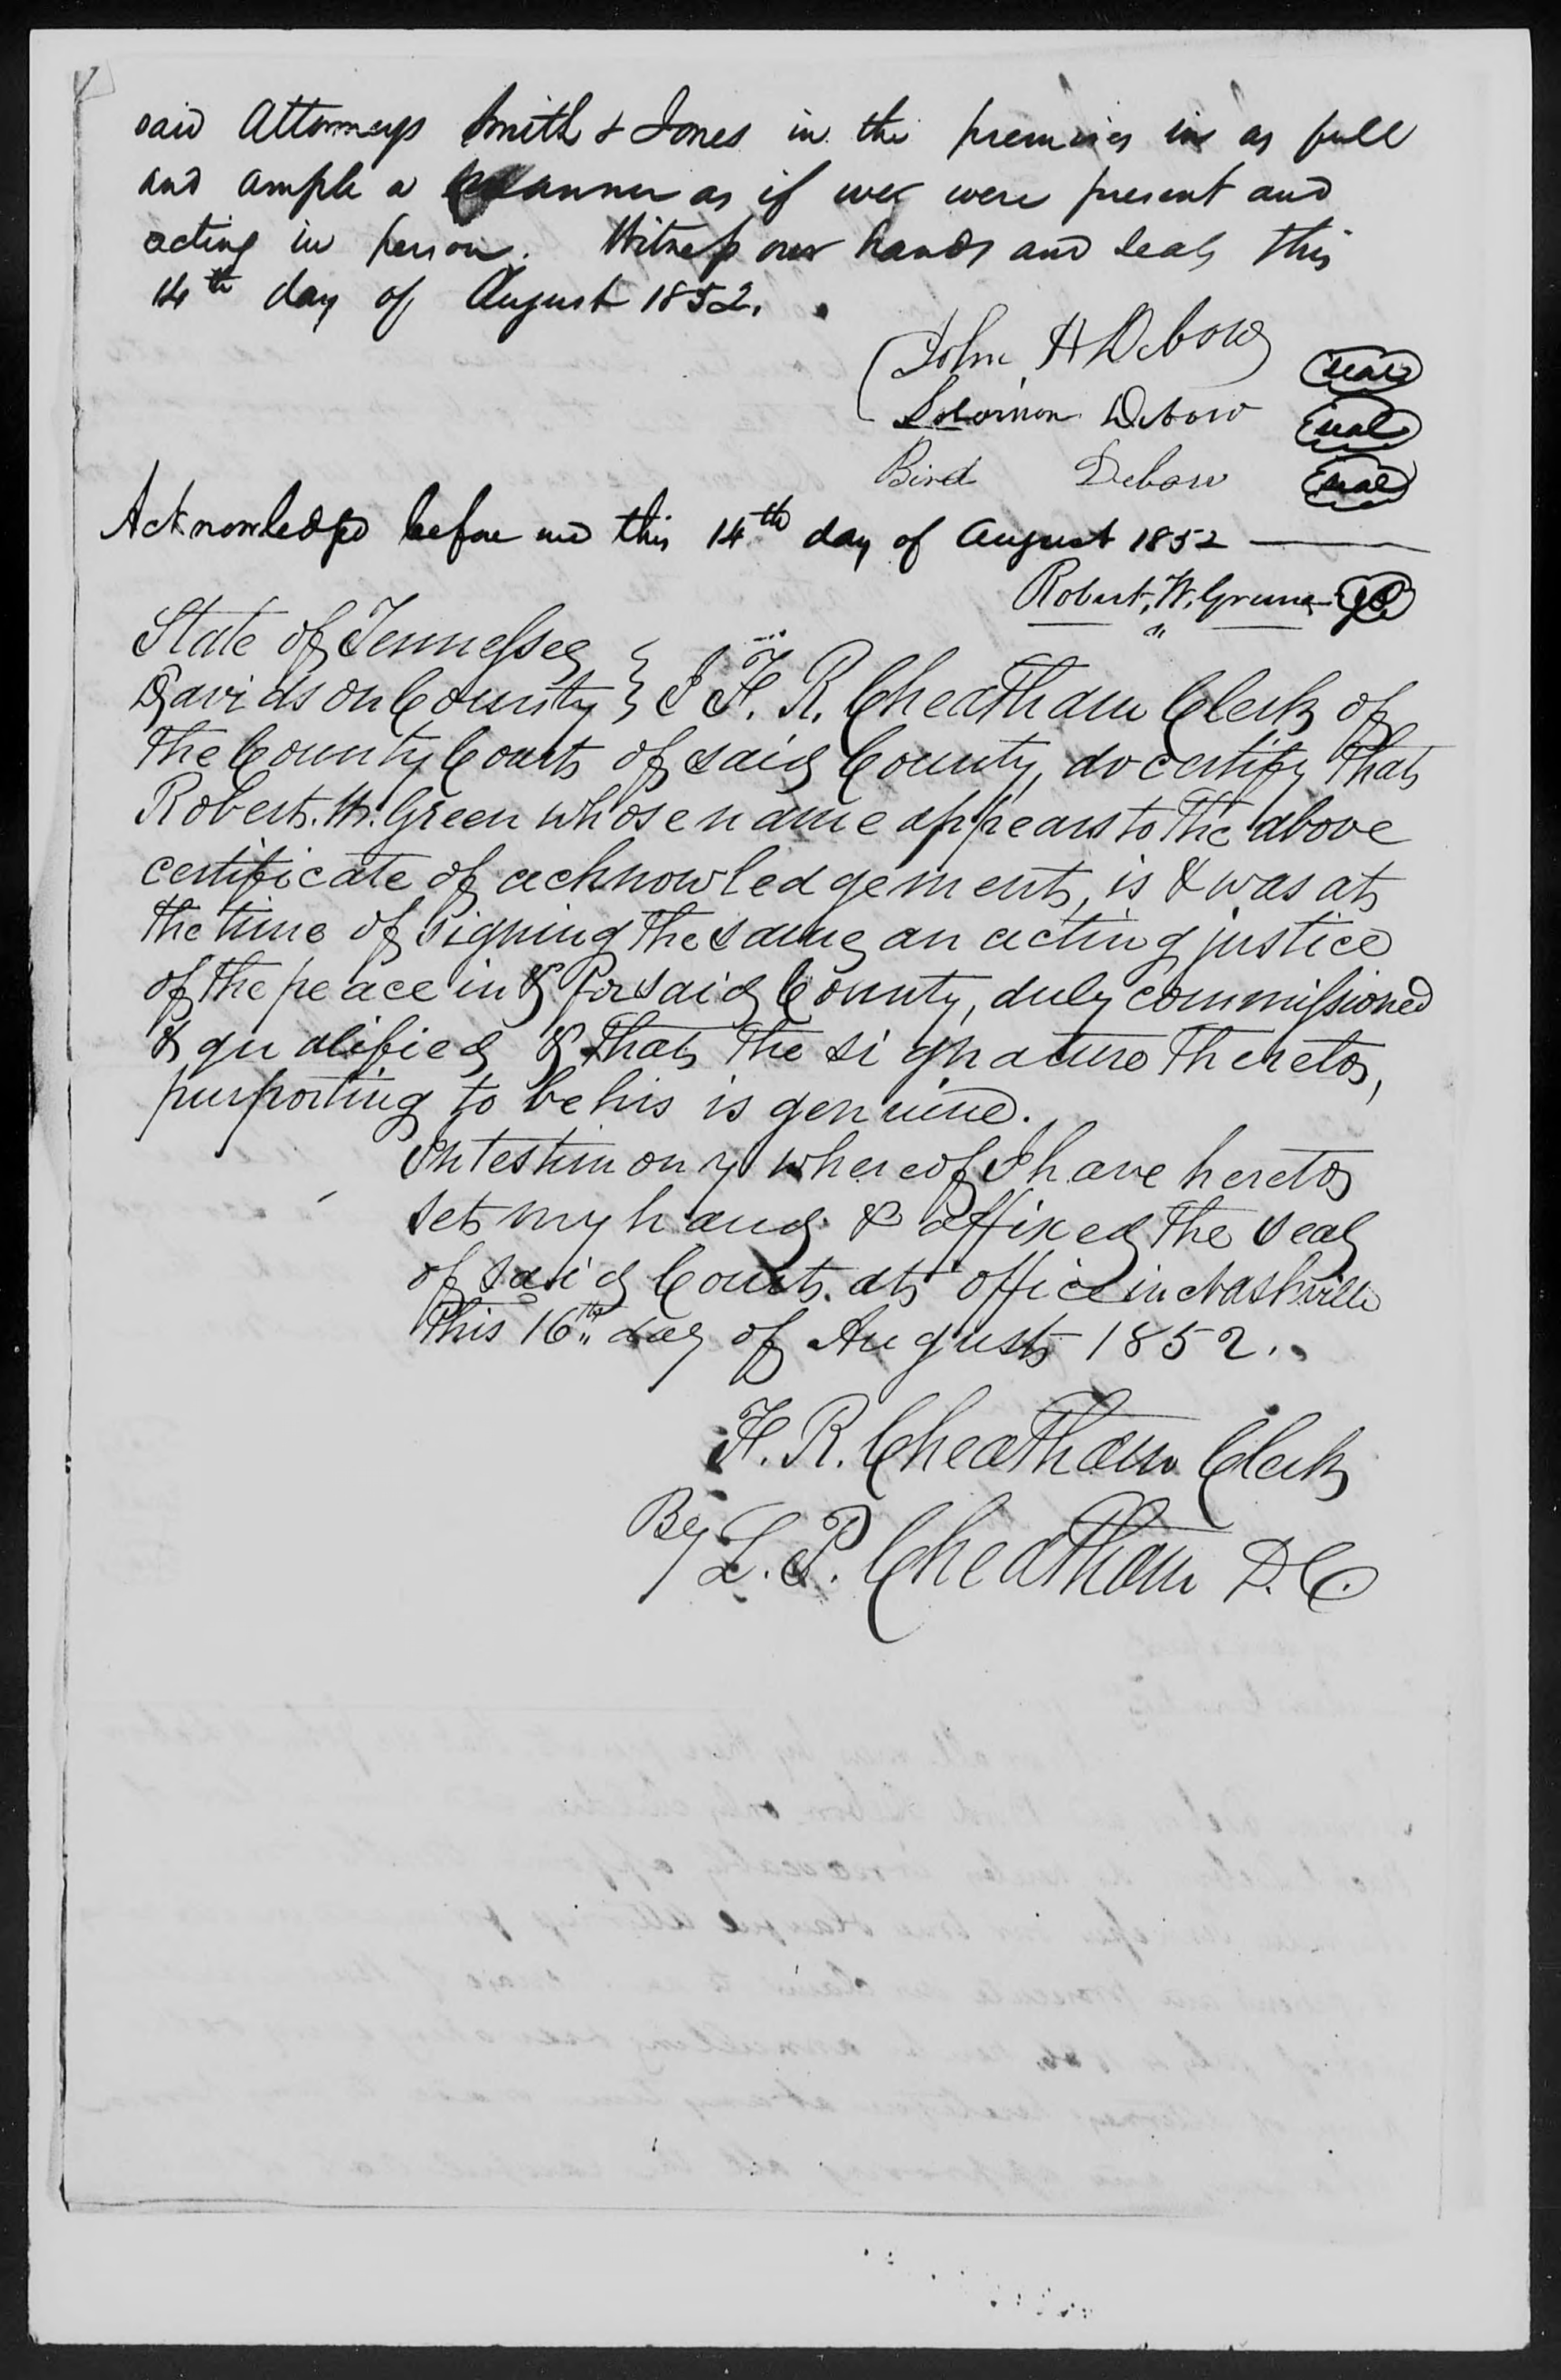Said attorneys Smith & Jones in the pension in as full
And ample a manner as if we were present and
Acting in person. Witness our hands and seals this
14th day of August 1852.

	John A Debow   seal
	Solomon Debow   seal
	Bird Debow   seal
Acknowledged before me this 14th day of August 1852
		Robert W Green  seal

State of Tennessee}  
Davidson County} F.R. Cheatham Clerk of
The County Courts of said county do certify that
Robert W Green whose name appears to the above 
Certificate of acknowledgement is & was at
The time of signing the duly an active justice
Of the peace in aforesaid county, duly commissioned
Purporting to be his is genuine.

On testimony whereof I have hereto
Set my hand & office in Nashville
This 16th day o August 1852
F R Cheatham Clerk
By LP Cheatham DC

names: Robert W Green, Jones, Smith, L P Cheatham, F R Cheatham, F R Cheatham, John A Debow, Solomon Debow, Robert W Greene, Bird Debow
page: 9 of 62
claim: widow's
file: W 7005, Frederick Debow, N.C.